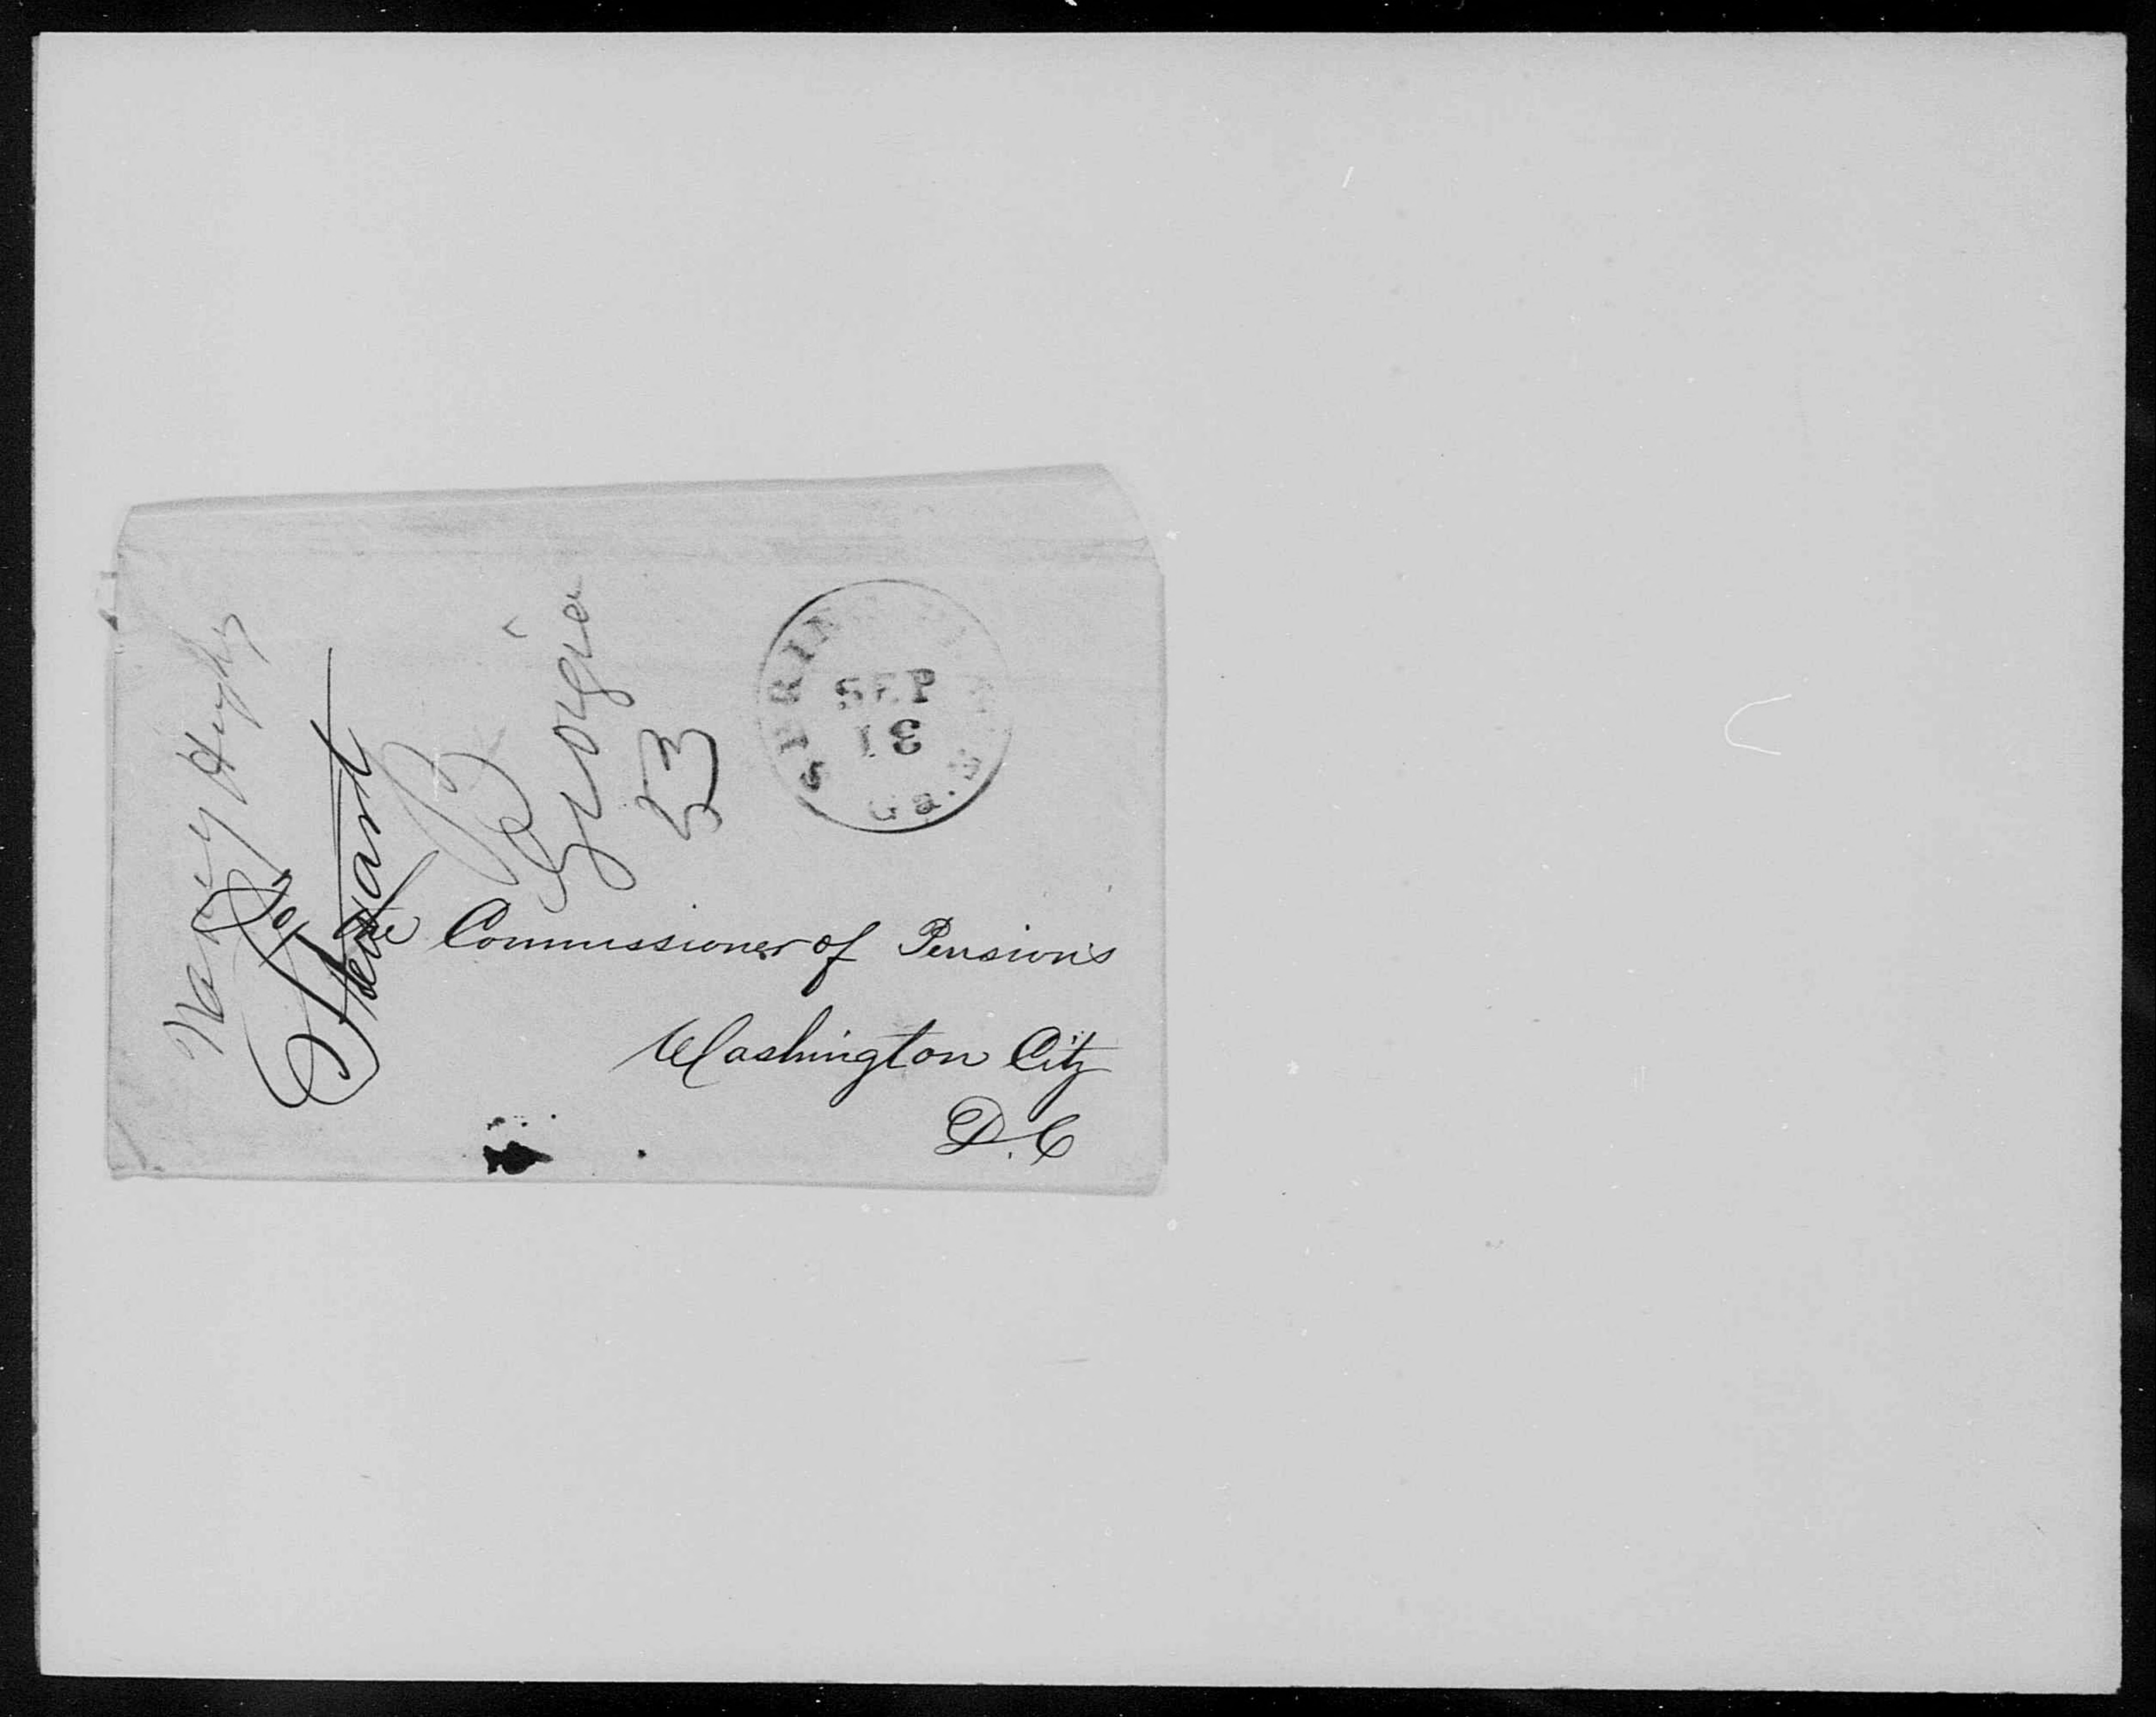(Stamp) Spring Place GA Sep 18
To the Commissioner of Pensions
Washington City DC
Nancy Hughes
Stewart
B
Georgia
53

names: Nancy Hughes, Stewart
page: 29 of 75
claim: widow's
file: W. 25805, Andrew Hughes, N.C.